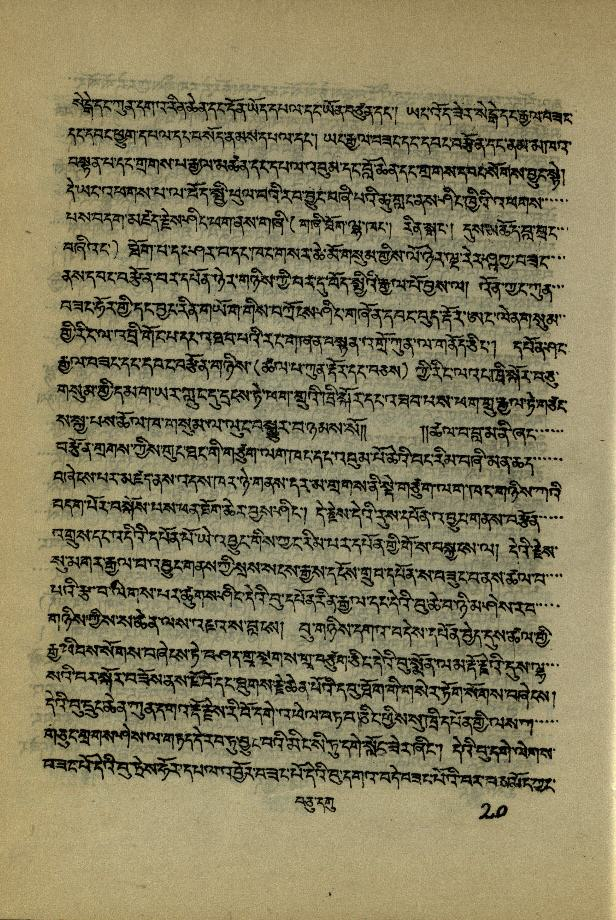སེངྒེ་དང་ཀུན་དགའ་རིན་ཆེན་དང་དོན་ཡོད་དཔལ་དང་ཡོན་བཙུན་དང་། ཡང་འོད་ཟེར་སེངྒེ་དང་རྒྱལ་བཟང་
དང་དབང་ཕྱུག་དཔལ་དང་བསོད་ནམས་དཔལ་དང་། ཡང་རྒྱལ་བཟང་དང་དབང་བརྩོན་དང་ནམ་མཁའ་
བསྟན་པ་དང་གྲགས་པ་རྒྱལ་མཚན་དང་དཔལ་འབུམ་དང་བློ་ཆེན་དང་གྲགས་དབང་སོགས་བྱུང་སྟེ།
དེ་ཡང་འཕགས་པ་ལ་བོད་སྤྱི་ཕུལ་བའི་རབ་བྱུང་བཞི་པའི་ཆུ་གླང་ནས་ཤིང་ཁྱིའི་འཕགས་
པས་བདག་མཛད་རྗེས་ཤིང་ཕག་ནས་གཞི་གཞི་ཐོག་ལྷ་ཁང་།  རིན་སྒང་། དུས་མཆོད་བླ་བྲང་
བཞིའང་ཐོག་པ་དང་ཤར་བ་དང་ཁང་གསར་ཆེ་མོ་གསུམ་གྱིས་ལོ་ཉེར་ལྔ་རེར་ཤཱཀྱ་བཟང་
ནས་དབང་བརྩོན་པར་དཔོན་ཉེར་གཉིས་ཀྱི་བར་དུ་བོད་སྤྱིའི་རྒྱལ་པོ་བྱས་ལ། འོན་ཀྱང་ཀུན་
བཟང་ཧོར་གྱི་དང་བྱང་རིན་གཡོག་གིས་བཀྲོངས་ཤིང་གཞོན་དབང་བུད་རྡོར་ཨང་ལེན་གསུམ་
གྱི་རིང་ལ་འབྲི་གོང་པ་དང་འཐབ་པའི་རང་གཞན་བསྟན་འགྲོ་ཀུན་ལ་གནོད་ཅིང་། དཔོན་ཤང་
རྒྱལ་བཟང་དང་དབང་བརྩོན་གཉིས་ཚལ་པ་ཀུན་རྡོར་དང་བཅས་ཀྱི་རིང་ལའང་ཁྲི་སྐོར་བཅུ་
གསུམ་གྱི་དམག་ཡར་ཀླུང་དུ་དྲངས་ཏེ་ཕག་གྲུའི་ཁྲི་སྐོར་དང་འཐབ་པས་ཕག་གྲུ་རྒྱལ་ཏེ་གཙང་
ས་སྐྱ་པས་ཆོལ་ཁ་གསུམ་ལ་ལུང་བསྒྱུར་བ་ཉམས་སོ།། །།ཚལ་བ་བླ་མ་ནི་ཞང་
བརྩོན་གྲགས་ཀྱིས་གུང་ཐང་གི་གཙུག་ལག་ཁང་དང་འབུམ་པོ་ཆེའི་བང་རིམ་བཞི་མན་ཆད་
བཞེངས་པར་མཛད་ནས་འདས་ཁར་ཉེ་གནས་དར་མ་གྲགས་ནི་སྡེ་གཙུག་ལག་ཁང་གཉིས་ཀའི་
བདག་པོར་བསྐོས་པས་ཕན་ཐོག་ཆེར་བྱས་ཤིང་། དེ་རྗེས་དེའི་རུས་དཔོན་འབྱུང་གནས་བརྩོན་
འགྲུས་དང་འདིའི་དཔོན་ལོ་ཡེ་འབྱུང་གིས་ཀྱང་རིམ་པར་དཔོན་གྱི་གོ་ས་བསྐྱངས་ལ། དེའི་རྗེས་
སུ་མགར་རྒྱལ་བ་འབྱུང་གནས་ཀྱི་སྲས་སངས་རྒྱས་དངོས་གྲུབ་དཔོན་ས་བཟུང་བ་ནས་ཚལ་བ་
པའི་རྩ་བ་ལེགས་པར་ཚུགས་ཤིང་དེའི་བུ་དཔོན་རིན་རྒྱལ་དང་དེའི་བུ་ཆེ་བ་ཉི་མ་ཤེས་རབ་
གཉིས་ཀྱིས་ས་ཆེན་ལས་འཇའ་ས་བླངས། བུ་གཉིས་དགའ་བ་དེས་དཔོན་བྱེད་དུས་ཚལ་གྱི་
རྒྱ་ཕིབས་སོགས་བཞེངས་ཏེ་བཤད་གྲྭ་སྔགས་གྲྭ་བཙུག་ཅིང་དེའི་བུ་སྨོན་ལམ་རྡོ་རྗེའི་དུས་ལྷ་
སའི་བར་སྐོར་བཟོས་ནས་ཇོ་བོ་དང་ཐུགས་རྗེ་ཆེན་པོའི་དབུ་ཐོག་གི་གསེར་ཏོག་སོགས་བཞེངས།
དེའི་བུ་དྲུང་ཆེན་ཀུན་དགའ་རྡོ་རྗེས་རི་བོ་དགེ་འཕེལ་བཏབ་ཅིང་ཕྱིས་སུ་ཁྲི་དཔོན་གྱི་ལས་ཀ་
གཅུང་གྲགས་ཤེས་ལ་གཏད་དེ་རབ་ཏུ་བྱུང་བའི་མིང་སི་ཏུ་དགེ་སློང་ཟེར་ཞིང་། དེའི་བུ་དགེ་ལེགས་
བཟང་པོ་དེའི་བུ་ཏྲེས་ཧོར་དཔལ་འབྱོར་བཟང་པོ་དེའི་བུ་དགའ་བདེ་བཟང་པོའི་བར་བས་མོད་ཀྱང་